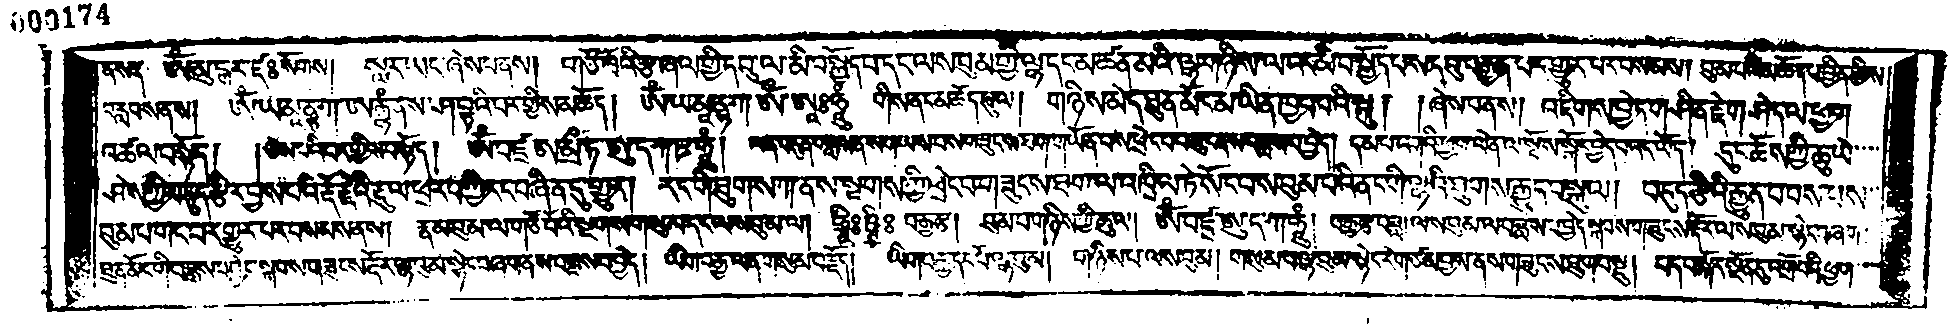ནས། ཨོཾ་མུ་ངྒ་ར་ཛཿ སོགས། སླར་ཡང་ཞེས་པ་ནས། གཙོ་བོའི་རྩ་ཞལ་གྱི་དབུ་ལ་མི་བསྐྱོད་བ་དང་ལས་བུམ་གྱི་ལྷ་དང་མཚན་མའི་ལྷ་གཉིས་ལའང་མི་བསྐྱོད་པས་དབུ་བརྒྱན་པར་གྱུར་པར་བསམས། བུམ་པའི་མཆོད་པ་བྱིན་གྱིས་
བརླབས་ནས། ཨོཾ་ཡ་མཱ་ནྟ་ཀ་ཨརྒྷཾ་ནས་ཤཔྟའི་བར་གྱིས་མཆོད། ཨོཾ་ཡ་མཱནྟ་ཀ་ཨོཾ་ཨཱཿ ཧཱུཾ་གིས་ནང་མཆོད་ཕུལ།  གཉིས་མེད་ཐུན་མོང་མ་ཡིན་ཁྱབ་པའི་སྐུ། །ཞེས་པ་ནས། འཇིགས་བྱེད་གཤིན་རྗེ་གཤེད་ལ་ཕྱག་
འཚལ་བསྟོད། །ཅེས་པའི་བར་གྱིས་བསྟོད།  ཨོཾ་བཛྲ་ཨ་མྲྀ་ཏ་ཨུ་ད་ཀ་ཊཿཨ་ཧཱུཾ། ལན་བདུན་བཟླས་ནས་གཡས་བས་གཟུངས་ཐག་གཡོན་བས་ཕྲེང་བ་བཟུང་ནས་བཟླས་པ་བྱེད། དམ་པ་འགའི་ཕྱག་ལེན་ལ་སྤོས་སྐོར་བྱེད་པའང་ཡོད།  དུང་ཆོས་ཀྱི་ཆུ་ཡེ་
ཤེས་ཀྱི་བདུད་རྩིར་བྱས་པའི་རྡོ་རྗེའི་རྡུལ་ཕྲ་རབ་ཀྱི་རང་བཞིན་དུ་གྱུར། རང་གི་ཐུགས་ཀ་ནས་སྔགས་ཀྱི་ཕྲེང་བ་གཟུངས་ཐག་ལ་འཁྲིལ་ཏེ་སོང་བས་བུམ་པའི་ནང་གི་ལྷའི་ཐུགས་རྒྱུད་བསྐུལ། བདུད་རྩིའི་རྒྱུན་བབས་པས་
བུམ་པ་གང་བར་གྱུར་པར་བསམས་ནས། རྣམ་བུམ་ལ་གཙོ་བོའི་སྔགས་གསུམ་དང་ལས་བུམ་ལ།  ཧྲཱིཿ ཥྚྲཱིཿ བརྒྱ་རྩ། བུམ་པ་གཉིས་ཀྱི་ཚུལ།  ཨོཾ་བཛྲ་ཨུ་ད་ཀ་ཧཱུཾ། བརྒྱ་རྩ་བཟླ། ལས་བུམ་ལ་བཟླས་པ་བྱེད་སྐབས་གཟུངས་རྡོར་ལས་བུམ་སྟེང་བཞག །
ཐུན་མོང་གི་བཟླས་པ་བྱེད་སྐབས་གཟུངས་རྡོར་ལྷ་བུམ་སྟེང་བཞག་ནས་བཟླས་པ་བྱེད། ཡིག་བརྒྱ་ལན་གསུམ་བརྗོད། ཡིག་བརྒྱ་དང་པོ་ལྷ་བུམ། གཉིས་པ་ལས་བུམ། གསུམ་པ་ལྷ་བུམ་སྟེང་རེག་ཙམ་བྱས་ནས་གཟུངས་ཐུག་བསྡུ། པད་བསྐོར་སྔོན་དུ་འགྲོ་བའི་ཕྱག་